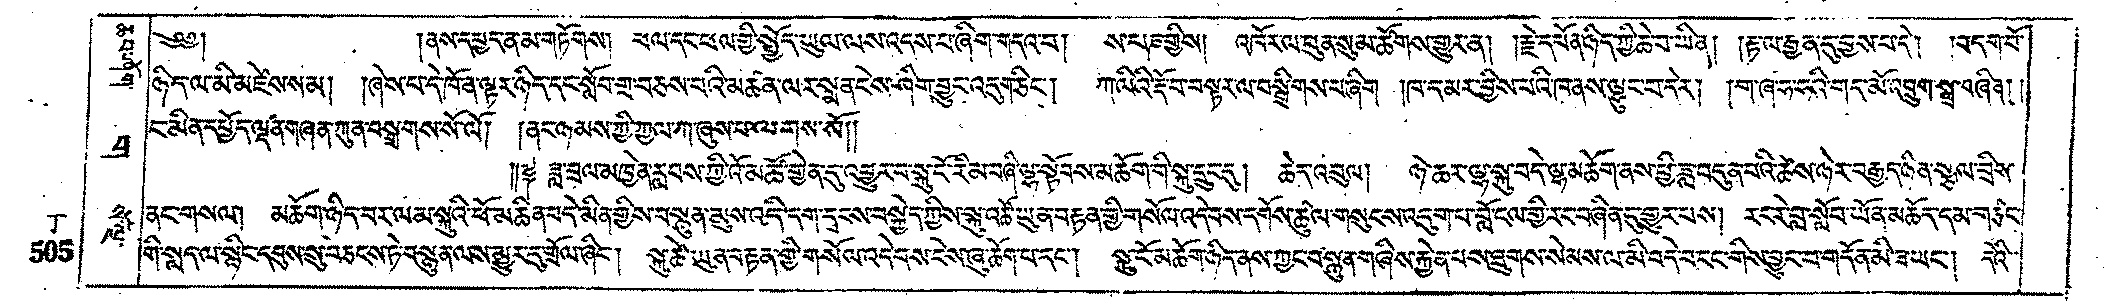༄༅། །ནས་དཔྱད་ན་མ་གཏོགས། ཕལ་དང་ཕལ་གྱི་སྤྱོད་ཡུལ་ལས་འདས་པ་ཞིག་གདའ་བ། ས་པཎ་གྱིས། འཁོར་ལ་ཕུན་སུམ་ཚོགས་གྱུར་ན། །རྗེ་དཔོན་ཉིད་ཀྱི་ཆེ་བ་ཡིན། །རྟ་ལ་རྒྱན་དུ་བྱས་པ་དེ། །བདག་པོ་
ཉིད་ལ་མི་མཛེས་སམ། །ཞེས་པ་དེ་ཁོ་ན་ལྟར་ཉིད་དང་སློབ་གྲ་བཅས་པའི་མཚན་ལར་སྨན་ངེས་ཤིག་བྱུང་འདུག་ཅིང་། ཀ་ལིའི་རྡོ་བ་བསྟར་ལ་བསྒྲིགས་པ་ཞིག །ཁ་དམར་བྱིས་པའི་ཁ་ནས་ལྷུང་བ་དེར། །ག་ཞ་ཧ་ཧའི་གད་མོ་འབྲུག་སྒྲ་བཞིན།།
ང་མིན་དཔྱོད་ལྡན་གཞན་ཀུན་བསྒྲགས་སོ་ལོ། །ནང་ཉམས་ཀྱི་ཀྱལ་ཀ་ཞུས་པ་ལགས་སོ།།
།།འ་ཟླ་བྲལ་མཁྱེན་རླབས་ཀྱི་འོ་མཚོ་གྱེན་དུ་འཕྱུར་བ་སྐུ་ངོ་རིམ་བཞི་ལྷ་སྟོབས་མཆོག་གི་སྐུ་དྲུང་དུ། ཆེད་འབུལ། ཉེ་ཆར་ལྷ་སྐུ་བདེ་ལྷ་མཆོག་ནས་ཕྱི་ཟླ་བདུན་པའི་ཚེས་ཉེར་བརྒྱད་ཉིན་སྩལ་བྲིས་
ནང་གསལ། མཆོག་ཉིད་བར་ལམ་སྐུའི་ཕོ་མཆིན་བདེ་མིན་གྱིས་བསྙུན་མུས་འདི་དག་དྭངས་བསྐྱེད་ཀྱིས་སྐུ་འཚོ་ཡུན་བརྟན་གྱི་གསོལ་འདེབས་དགོས་ཚུལ་གསུངས་འདུག་པ་བློ་ངལ་གྱི་རང་བཞིན་དུ་གྱུར་པས། རང་རེ་བླ་སློབ་ཡོན་མཆོད་དམ་གཙང་
གི་སླད་ལ་སྙིང་དབུས་སུ་བཅངས་ཏེ་བསྙུན་ལས་མྱུར་དུ་གྲོལ་ཞིང་། སྐུ་ཚེ་ཡུན་བརྟན་གྱི་གསོལ་འདེབས་ངེས་ཞུ་ཆོག་པ་དང་། སྐུ་ངོ་མཆོག་ཉིད་ནས་ཀྱང་བསྙུན་གཞིས་རྐྱེན་པས་ཐུགས་སེམས་ལ་མི་བདེ་བ་ངང་གིས་བྱུང་བ་གདོན་མི་ཟ་ཡང་། དེའི་་་